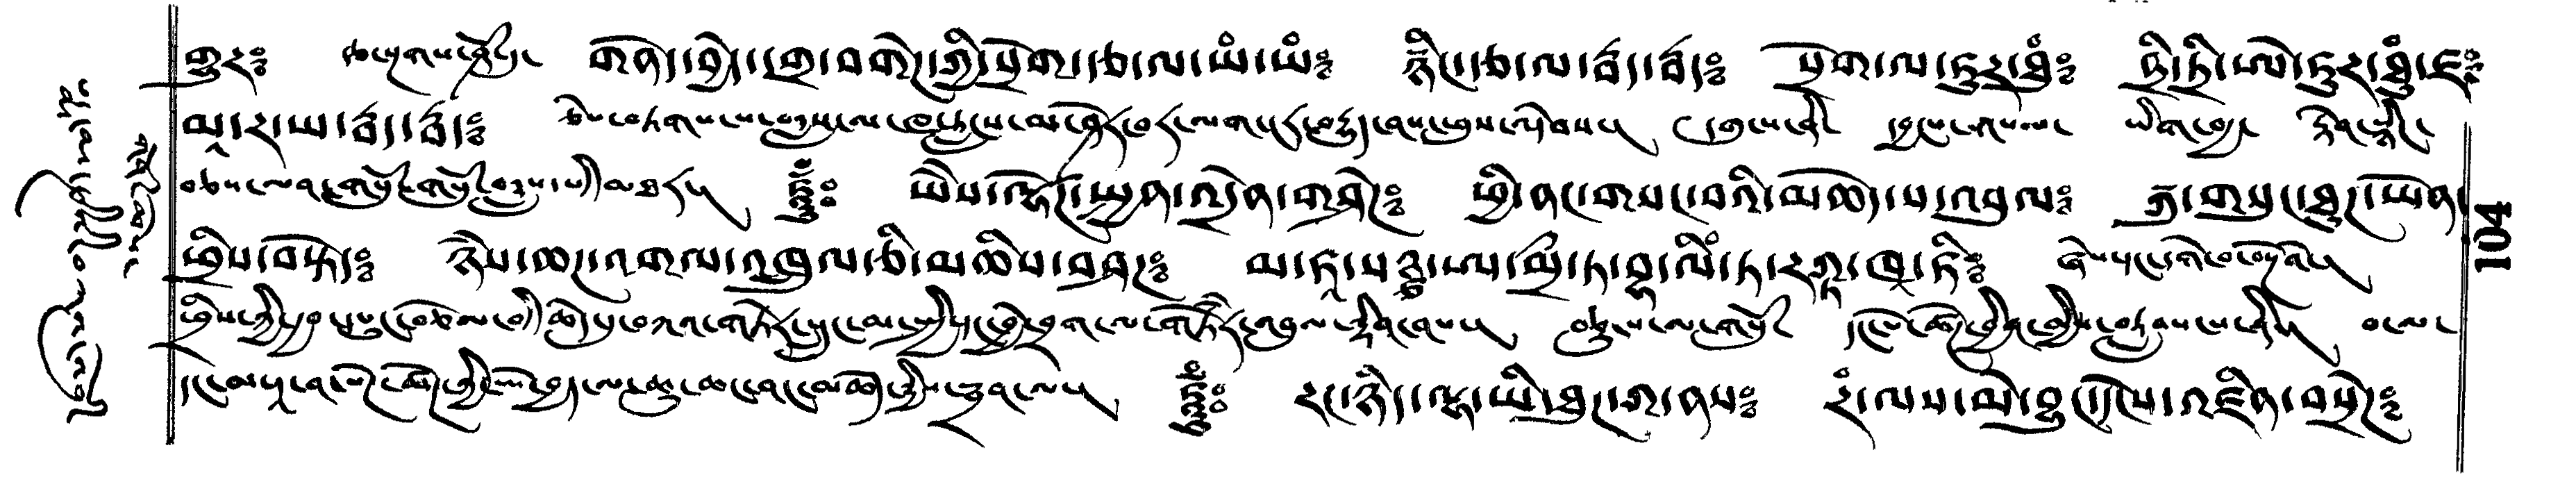གྱུར༔ རྩ་སྔགས་ཤམ་དུ། གནོད་བྱེད་དགྲ་བགེགས་ཀྱི་སྲོག་རྩ་ལ་ཡཾ་ཡཾ༔ སྙིང་རྩ་ལ་རྦད་རྦད༔ སྲོག་ལ་ཧུར་ཐུཾ༔ ནྲི་ཏྲི་ཨེ་ཧུར་ཐུཾ་ཛ༔ 
མཱ་ར་ཡ་རྦད་རྦད༔ཅེས་བཏགས་པ་བཟླས་ལ་ཁ་རླངས་མ་ཤོར་བར་ལག་ངར་བརྒྱུད་ནས་ཕུས་འདེབས། དགུ་པ་ནི། དབྱངས་གསལ། ཡིག་བརྒྱ། རྟེན་སྙིང་
བཅས་ལན་གསུམ་གསུམ་བཟླས་པའི་མཐར། ཧཱུྃ༔ ཡེ་ཤེས་ལྷ་ཚོགས་སྤྱན་འདྲེན་གཤེགས༔ ཕྱི་ནང་གསང་བའི་མཆོད་པ་འབུལ༔ སྐུ་གསུང་ཐུགས་ཡོན་
ཕྲིན་ལས་བསྟོད༔ ཉམས་ཆགས་འགལ་འཁྲུལ་ཅི་མཆིས་བཤགས༔ མ་ཧཱ་པཉྩ་ཨ་མྲྀ་ཏ་བྷ་ལིཾ་ཏ་རཀྟ་ཁཱ་ཧིཿ ཞེས་དང་དགེ་བ་བསྔོའོ། 
ཕྲིན་ལས་ཀྱི་རྒྱབ་དཔུང་བཅོལ་བའི་ཆེད་དུ་བཀའ་གཏེར་སྲུང་མ་སྤྱི་དང་བྱེ་བྲག་ལ་གཏོར་མ་འབུལ་ཟིན་ནས། བཅུ་པ་ལ་གསུམ། དང་པོ་ཚོགས་བྱིན་གྱིས་བརླབ་པ་ནི། བཱ་ལ་
དང་མ་དཱ་ན་སོགས་ཚོགས་ཀྱི་ཡོ་བྱད་ལ་ཆུ་ཆང་ནང་མཆོད་ཀྱིས་སྦྲན་ལ། ཧཱུྃ༔ རང་ཉིད་ལྷ་ཡི་ཐུགས་ཀ་ནས༔ རཾ་ལས་མེ་བྱུང་དངོས་འཛིན་བསྲེགས༔